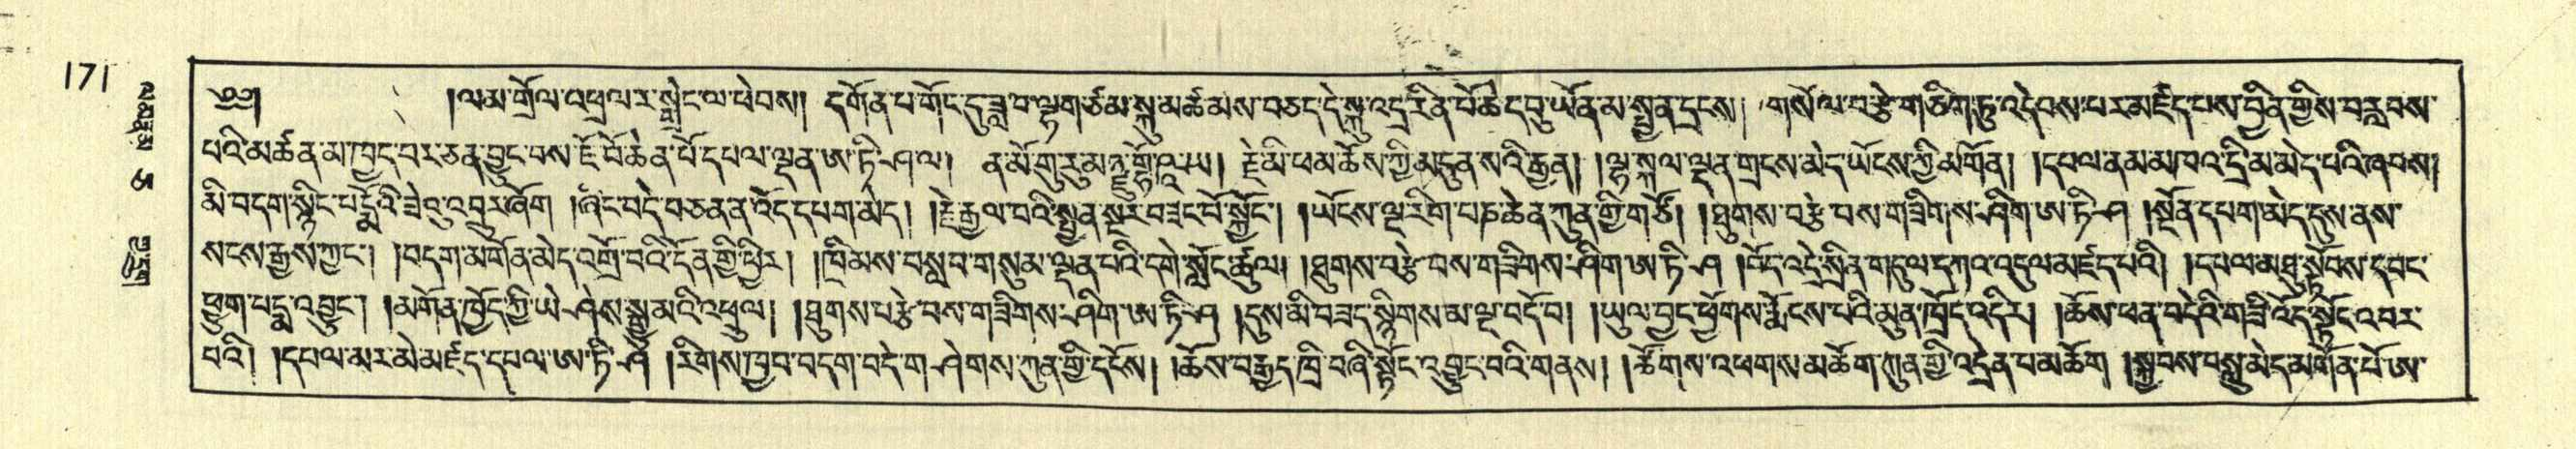༄༅། །ལམ་གྲོལ་འཕྲལ་ར་སྒྲེང་ལ་ཕེབས། དགོན་པ་གོང་དུ་ཟླ་བ་ལྷག་ཙམ་སྐུ་མཚམས་བཅད་དེ་སྐུ་འདྲ་རིན་པོ་ཆེ་དབུ་ཡོན་མ་སྤྱན་དྲངས། གསོལ་བ་རྩེ་གཅིག་ཏུ་འདེབས་པར་མཛད་པས་བྱིན་གྱིས་བརླབས་
པའི་མཚན་མ་ཁྱད་བར་ཅན་བྱུང་བས་ཇོ་བོ་ཆེན་པོ་དཔལ་ལྡན་ཨ་ཏི་ཤ་ལ། ན་མོ་གུ་རུ་མཉྫུ་གྷོ་ཥཱ་ཡ། རྗེ་མི་ཕམ་ཆོས་ཀྱི་མདུན་སའི་རྒྱན། །ལྷ་སྐལ་ལྡན་གྲངས་མེད་ཡོངས་ཀྱི་མགོན། །དཔལ་ནམ་མཁའ་དྲི་མ་མེད་པའི་ཞབས།
མི་བདག་སྙིང་པདམོའི་ཟེའུ་འབྲུར་ཞོག །ཞིང་བདེ་བཅན་ན་འོད་དཔག་མེད། །རྗེ་རྒྱལ་བའི་སྤྱན་སྔར་བཟང་པོ་སྐྱོང་། །ཡོངས་ལྔ་རིག་པཎ་ཆེན་ཀུན་གྱི་གཙོ། །ཐུགས་བརྩེ་བས་གཟིགས་ཤིག་ཨ་ཏི་ཤ་།སྔོན་དཔག་མེད་དུས་ནས་
སངས་རྒྱས་ཀྱང་། །བདག་མགོན་མེད་འགྲོ་བའི་དོན་གྱི་ཕྱིར། །ཁྲིམས་བསླབ་གསུམ་ལྡན་པའི་དགེ་སློང་ཚུལ། །ཐུགས་བརྩེ་བས་གཟིགས་ཤིག་ཨ་ཏི་ཤ་།བོད་འདྲེ་སྲིན་གདུལ་དཀའ་འདུལ་མཛད་པའི། །དཔལ་མཐུ་སྟོབས་དབང་
ཕྱུག་པདམ་འབྱུང་། །མགོན་ཁྱོད་ཀྱི་ཡེ་ཤེས་སྒྱུ་མའི་འཕྲུལ། །ཐུགས་བརྩེ་བས་གཟིགས་ཤིག་ཨ་ཏི་ཤ་།དུས་མི་བཟད་སྙིགས་མ་ལྔ་བདོ་བ། །ཡུལ་བྱང་ཕྱོགས་རྨོངས་པའི་མུན་ཁྲོད་འདིར། །ཆོས་ཕན་བདེའི་གཟི་འོད་སྟོང་འབར་
པའི། །དཔལ་མར་མེ་མཛད་དཔལ་ཨ་ཏི་ཤ་།རིགས་ཁྱབ་བདག་བདེ་གཤེགས་ཀུན་གྱི་དངོས། །ཆོས་བརྒྱད་ཁྲི་བཞི་སྟོང་འབྱུང་བའི་གན། །ཚོགས་འཕགས་མཆོག་ཀུན་གྱི་འདྲེན་པ་མཆོག །སྐྱབས་བསླུ་མེད་མགོན་པོ་ཨ་